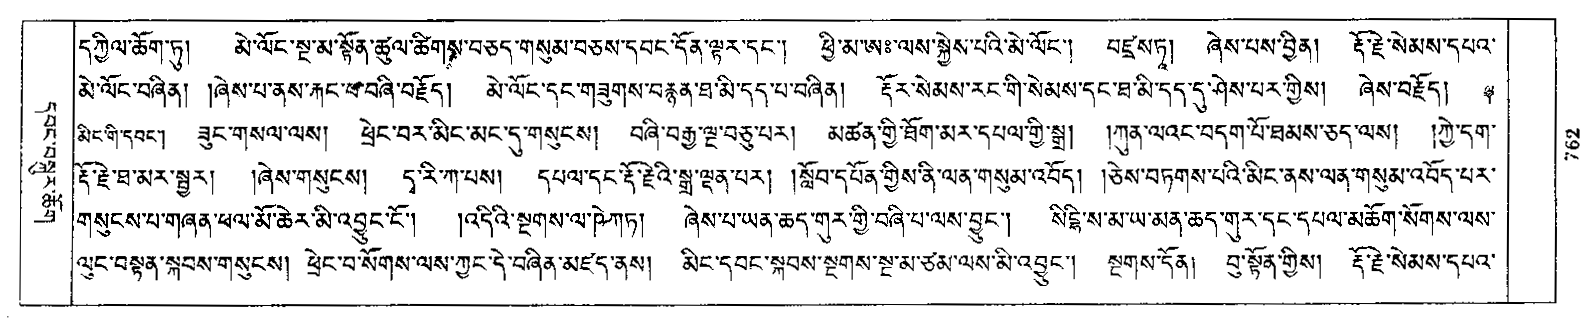དཀྱིལ་ཆོག་ཏུ། མེ་ལོང་སྔ་མ་སྟོན་ཚུལ་ཚིགས་བཅད་གསུམ་བཅས་དབང་དོན་ལྟར་དང་། ཕྱི་མ་ཨཿ ལས་སྐྱེས་པའི་མེ་ལོང་། བཛྲ་སཏཱ། ཞེས་པས་བྱིན། རྡོ་རྗེ་སེམས་དཔའ་
མེ་ལོང་བཞིན། །ཞེས་པ་ནས་རྐང་པ་བཞི་བརྗོད། མེ་ལོང་དང་གཟུགས་བརྙན་ཐ་མི་དད་པ་བཞིན། རྡོར་སེམས་རང་གི་སེམས་དང་ཐ་མི་དད་དུ་ཤེས་པར་གྱིས། ཞེས་བརྗོད། ༈
མིང་གི་དབང་། ཟུང་གསལ་ལས། ཕྲེང་བར་མིང་མང་དུ་གསུངས། བཞི་བརྒྱ་ལྔ་བཅུ་པར། མཚན་གྱི་ཐོག་མར་དཔལ་གྱི་སྒྲ། །ཀུན་ལའང་བདག་པོ་ཐམས་ཅད་ལས། །ཀྱེ་དག་
རྡོ་རྗེ་ཐ་མར་སྦྱར། །ཞེས་གསུངས། དྭ་རི་ཀ་པས། དཔལ་དང་རྡོ་རྗེའི་སྒྲ་ལྡན་པར། །སློབ་དཔོན་གྱིས་ནི་ལན་གསུམ་འབོད། །ཅེས་བཏགས་པའི་མིང་ནས་ལན་གསུམ་འབོད་པར་
གསུངས་པ་གཞན་ཕལ་མོ་ཆེར་མི་འབྱུང་ངོ། །འདིའི་སྔགས་ལ་ཥེ་ཀ་ཏ། ཞེས་པ་ཡན་ཆད་གུར་གྱི་བཞི་པ་ལས་བྱུང་། སིདྷི་ས་མ་ཡ་མན་ཆད་གུར་དང་དཔལ་མཆོག་སོགས་ལས་
ལུང་བསྟན་སྐབས་གསུངས། ཕྲེང་བ་སོགས་ལས་ཀྱང་དེ་བཞིན་མཛད་ནས། མིང་དབང་སྐབས་སྔགས་སྔ་མ་ཙམ་ལས་མི་འབྱུང་། སྔགས་དོན། བུ་སྟོན་གྱིས། རྡོ་རྗེ་སེམས་དཔའ་